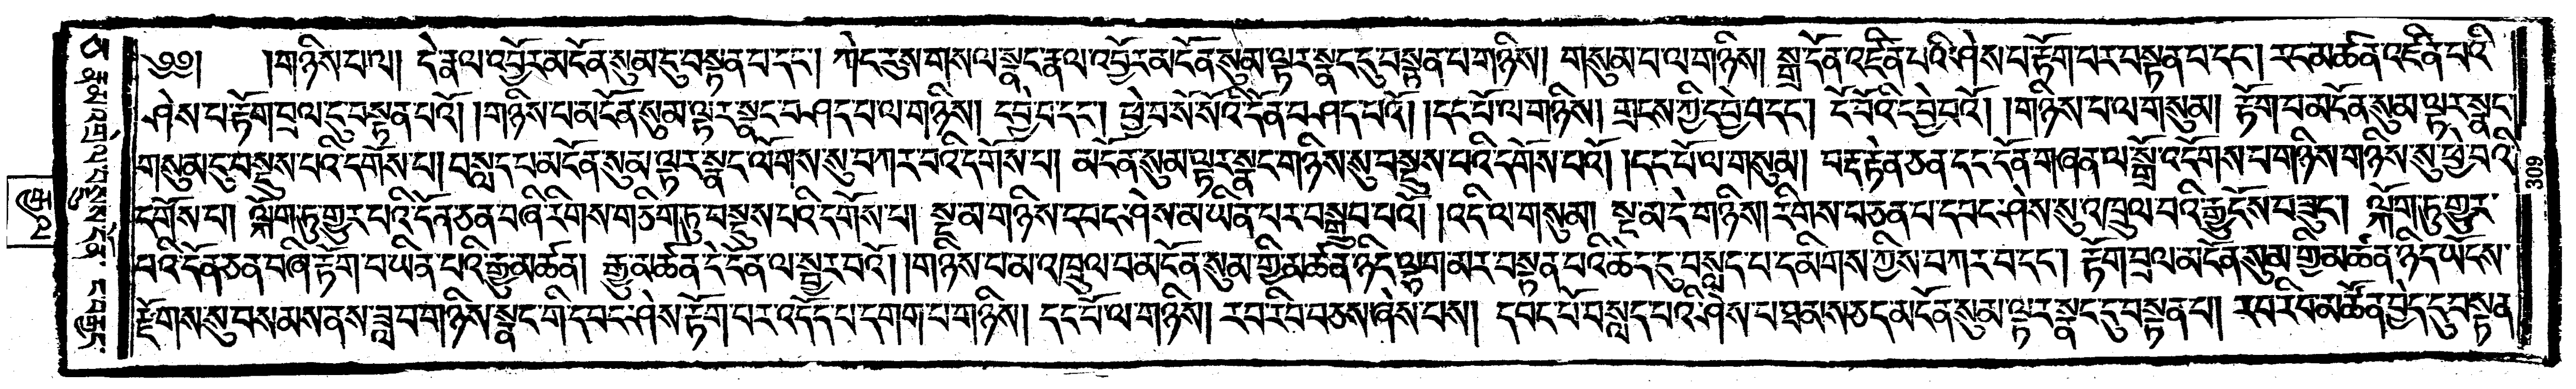༄༅། །གཉིས་པ་ལ། དེ་རྣལ་འབྱོར་མངོན་སུམ་དུ་བསྟན་པ་དང་། ཀེང་རུས་གསལ་སྣང་རྣལ་འབྱོར་མངོན་སུམ་ལྟར་སྣང་དུ་བསྟན་པ་གཉིས། གསུམ་པ་ལ་གཉིས། སྒྲ་དོན་འཛིན་པའི་ཤེས་པ་རྟོག་པར་བསྟན་པ་དང་། རང་མཚན་འཛིན་པའི་
ཤེས་པ་རྟོག་བྲལ་དུ་བསྟན་པའོ། །གཉིས་པ་མངོན་སུམ་ལྟར་སྣང་བཤད་པ་ལ་གཉིས། དབྱེ་བ་དང་། ཕྱེ་བ་སོ་སོའི་དོན་བཤད་པའོ། །དང་པོ་ལ་གཉིས། གྲངས་ཀྱི་དབྱེ་བ་དང་། ངོ་བོའི་དབྱེ་བའོ། །གཉིས་པ་ལ་གསུམ། རྟོག་པ་མངོན་སུམ་ལྟར་སྣང་
གསུམ་དུ་བསྡུས་པའི་དགོས་པ། བསླད་པ་མངོན་སུམ་ལྟར་སྣང་ལོགས་སུ་བཀར་བའི་དགོས་པ། མངོན་སུམ་ལྟར་སྣང་གཉིས་སུ་བསྡུས་པའི་དགོས་པའོ། །དང་པོ་ལ་གསུམ། བརྡ་རྟེན་ཅན་དང་དོན་གཞན་ལ་སྒྲོ་འདོགས་པ་གཉིས་གཉིས་སུ་ཕྱེ་བའི་
དགོས་པ། ལྐོག་ཏུ་གྱུར་པའི་དོན་ཅན་བཞི་རིགས་གཅིག་ཏུ་བསྡུས་པའི་དགོས་པ། སྔ་མ་གཉིས་དབང་ཤེས་མ་ཡིན་པར་བསྒྲུབ་པའོ། །འདི་ལ་གསུམ། སྔ་མ་དེ་གཉིས། རིགས་པ་ཅན་པ་དབང་ཤེས་སུ་འཁྲུལ་བའི་རྒྱུ་ངོས་བཟུང་། ལྐོག་ཏུ་གྱུར་
པའི་དོན་ཅན་བཞི་རྟོག་པ་ཡིན་པའི་རྒྱུ་མཚན། རྒྱུ་མཚན་དེ་དོན་ལ་སྦྱར་བའོ། །གཉིས་པ་མ་འཁྲུལ་བ་མངོན་སུམ་གྱི་མཚན་ཉིད་ལྷག་མར་བསྟན་པའི་ཆེད་དུ་བསླད་པ་དམིགས་ཀྱིས་བཀར་བ་དང་། རྟོག་བྲལ་མངོན་སུམ་གྱི་མཚན་ཉིད་ཡོངས་
རྫོགས་སུ་བསམས་ནས་ཟླ་བ་གཉིས་སྣང་གི་དབང་ཤེས་རྟོག་པར་འདོད་པ་དགག་པ་གཉིས། དང་པོ་ལ་གཉིས། རབ་རིབ་བཅས་ཞེས་པས། དབང་པོ་བསླད་པའི་ཤེས་པ་ཐམས་ཅད་མངོན་སུམ་ལྟར་སྣང་དུ་བསྟན་པ། རབ་རིབ་མཚོན་བྱེད་དུ་བསྟན་